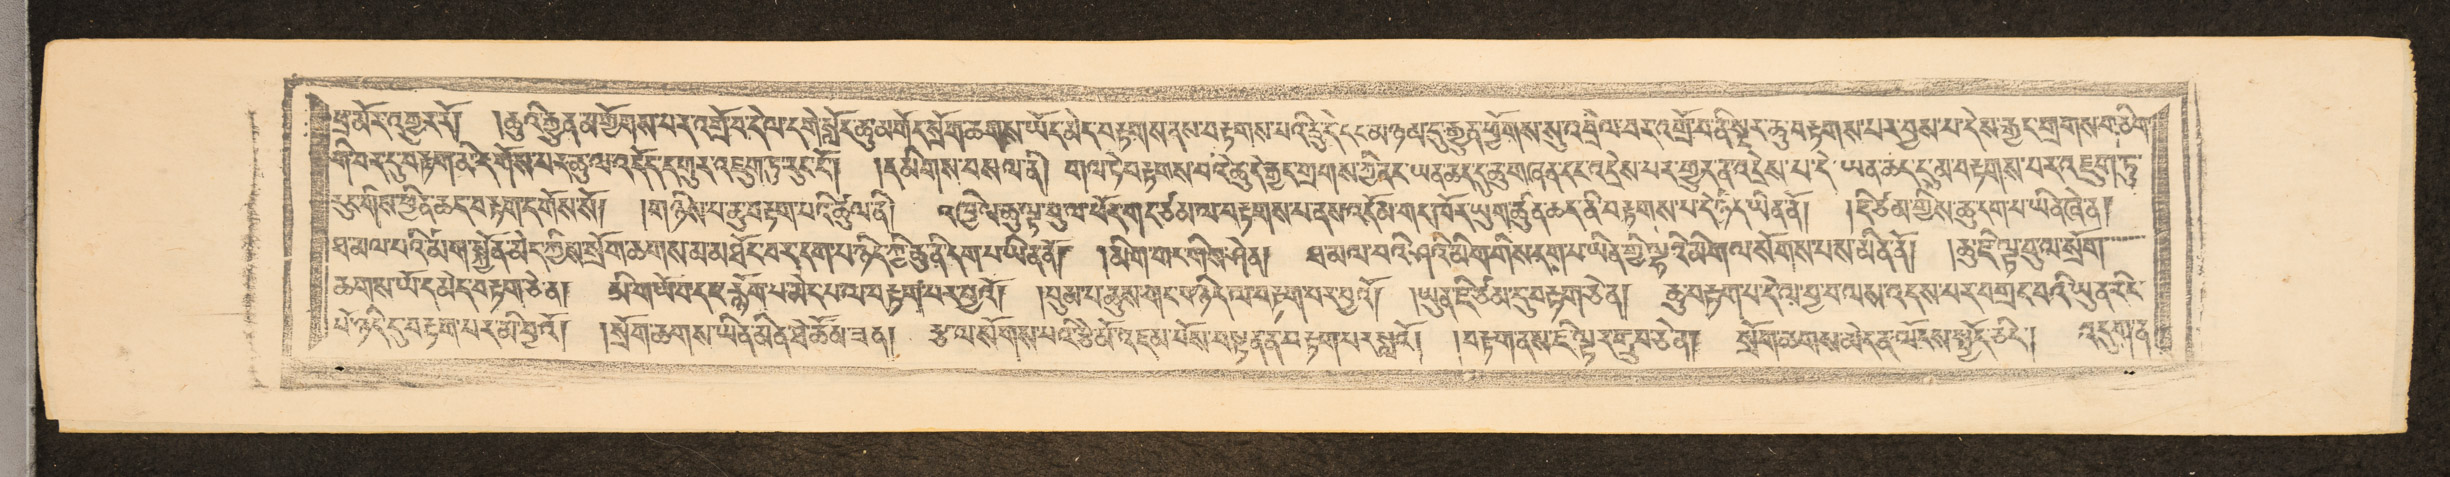རྫ་མ་ལ་སོགས་པར་གཞུག་པ་ལ་ཡང་བྱའོ། །སྦྲུལ་དེ་ནགས་ལ་སོགས་པ་ཚང་ཚིང་གི་ནང་དུ་དོར་པར་མི་བྱ་སྟེ། དེ་ནི་མེ་གཏོང་པའི་ཉེས་པ་སྤང་བའི་ཕྱིར་རོ། །སྦྲུལ་དེ་ཁུང་དུ་ཞུགས་པའི་བར་དུ་བསྡང་བར་བྱའོ། །ལུས་ཀྱི་
ཤིག་རྣམས་ནི་རས་མའི་ནང་དུ་གཞུག་པར་བྱའོ། །རས་མ་དེ་ནི་ཀ་བའམ་རྩིག་བའི་གསེབ་ཏུ་གཞུག་པར་བྱའོ། །རྩྭ་ཤིག་རྣམས་ནི་རྩྭ་མངོན་པར་ཡོད་པའི་གསིང་མར་དོར་རོ། །ཡང་ན་ཕྱོགས་བསིལ་བར་དོར་བར་བྱའོ། །
སྔ་མཆུའི་སྲོག་ཆགས་ཁྲོན་པ་སོགས་ཐག་རིང་བོར་ཕྱིར་གཞུག་པར་བྱ་བའི་ཕྱིར། གང་ཟག་གིས་ཀྱང་བསལ་སྣོད་བཅང་བར་བྱའོ། །བསལ་སྣོད་ཇི་ལྟ་བུ་ཞེ་ན། བུམ་པ་སོགས་ལ་མགྲིན་པ་དང་ཞབས་གཉིས་གར་དུ་ཐག་པ་
བཏགས་ཏེ་མར་གཏོང་བ་ན་མགྲིན་པའི་ཐག་པ་ནས་བཟུང་ཞིང་ཞབས་ཀྱི་ཐག་པ་གློང་ལ་ཆུའི་ནང་དུ་སླེབ་པ་ན་མགྲིན་པའི་ཐག་པ་གློད་ཅིང་ཞབས་ཀྱི་ཐག་པ་འཐེན་པས་ཁ་བུབ་ཏུ་འགྱུར་རོ། །ཡང་ན་སྲོག་ཆགས་བཙགས་པའི་ཆུ་ཚགས་
དེ་ཉིད་ཀྱི་སྲོག་ཆགས་དེ་དག་ཁྲོན་པ་ལ་སོགས་པར་གཞུག་པར་བྱའོ། །དེ་ལ་ཡང་མགྲིན་པ་དང་ཞབས་སུ་སྤྱང་ཐག་གདགས་པའི་ཚུལ་ནི་སྔམ་བཞིན་ནོ། །ཆུ་ཚགས་ལ་སྲོག་ཆགས་ཆགས་པ་བསལ་བའི་ཐབས་ནི་ཆུས་བཤལ་བ་
ཡིན་ནོ། །ཆུ་ཚགས་ལ་དྲི་མ་བསལ་བའི་ཐབས་ནི་ཆུས་བཀྲུ་བའོ། །ཆུ་ཆགས་རུལ་བར་མི་འགྱུར་བའི་ཐབས་ནི་ཉི་མ་སོགས་ལ་སྐམ་པའོ། །དྲི་མ་བསལ་བ་དང་རུལ་བར་མི་འགྱུར་བ་དེ་གཉིས་ཀ་ལ་ཡང་དམ་དུ་བཙིར་ནས་